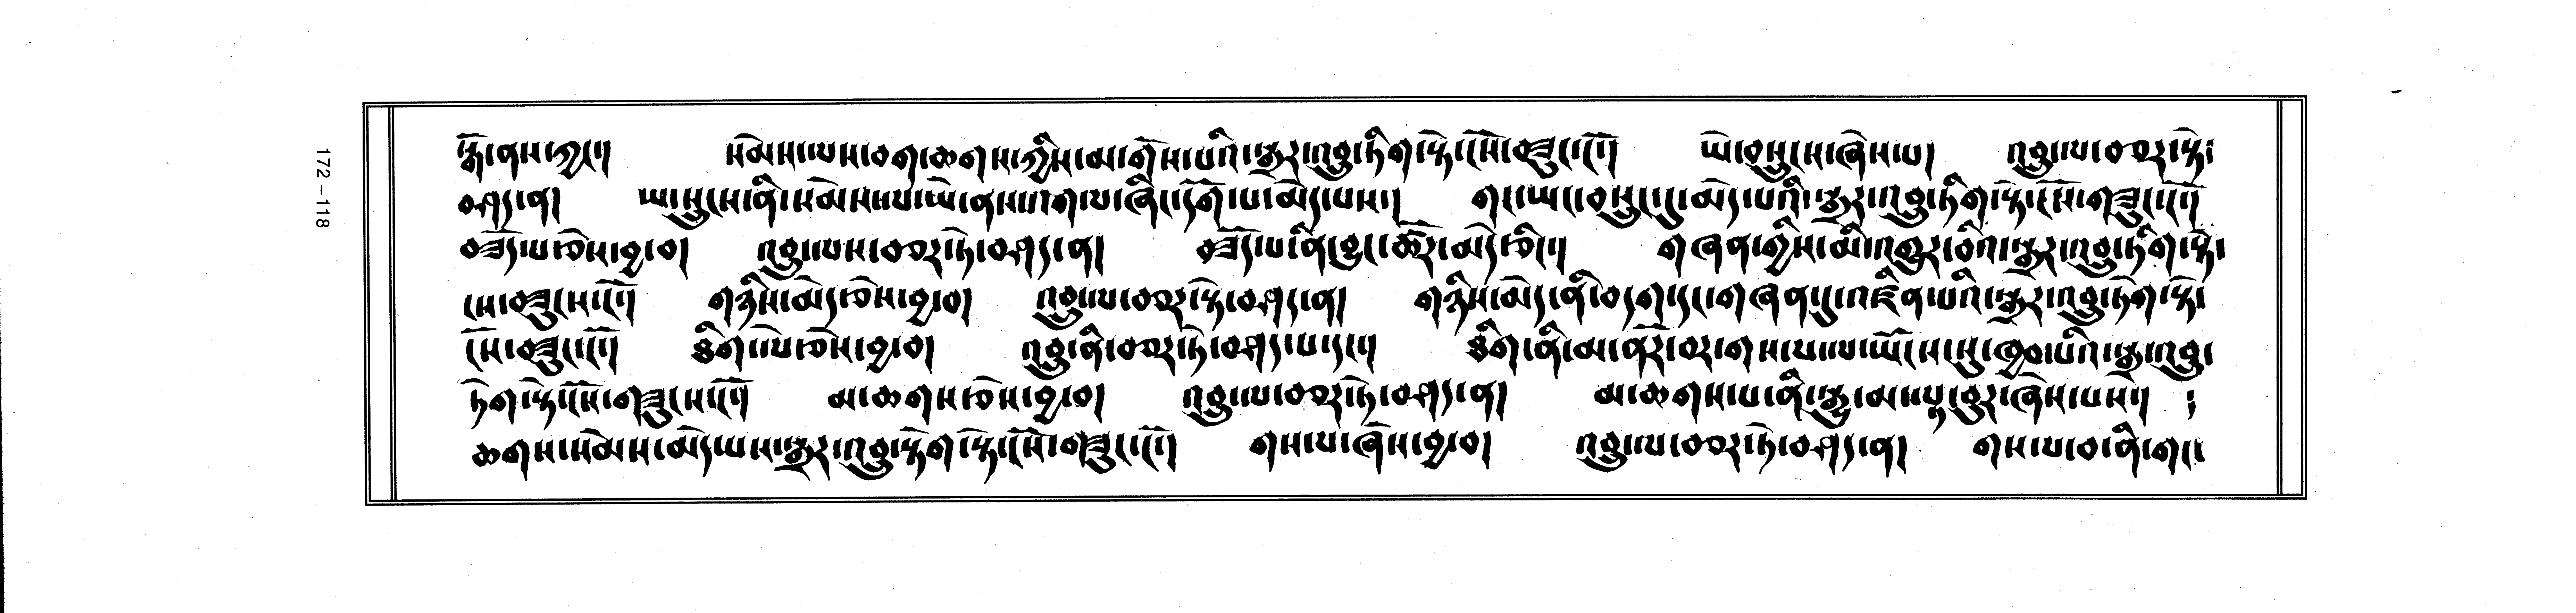སྒོ་ནས་ཀྱང་། སེམས་ལས་བག་ཆགས་ཀྱིས་མ་གོས་པའི་སྒྲར་འབྲུ་ཏིག་སྟེ་ངོས་གཟུངས་ངོ་། ཡེ་བསྲུངས་ཞེས་པ། འབྲུ་ལ་བཅར་སྟེ་
བཤད་ན། ཡེ་སྲུངས་ནི་སེམས་ལ་ཡེ་ནས་འགལ་ཞིང་དོག་པ་མེད་པས། གང་ཡང་བསྲུང་དུ་མེད་པའི་སྒྲར་འབྲུ་ཏིག་སྟེ་ངོས་གཟུངས་ངོ་། 
བཟོད་པ་ཅེས་བྱ་བ། འབྲུ་ལས་བཅར་ཏེ་བཤད་ན། བཟོད་པ་ནི་བྱུང་ཚོར་མེད་ཅིང་། གཞན་གྱིས་མི་འགྱུར་བའི་སྒྲར་འབྲུ་ཏིག་སྟེ་
ངོས་གཟུངས་ངོ་། གཉིས་མེད་ཅེས་བྱ་བ། འབྲུ་ལ་བཅར་སྟེ་བཤད་ན། གཉིས་མེད་ནི་བདག་དང་གཞན་དུ་འཛིན་པའི་སྒྲར་འབྲུ་ཏིག་སྟེ་
ངོས་གཟུངས་ངོ་། ཐིག་ལེ་ཅེས་བྱ་བ། འབྲུ་ནི་བཅར་ཏེ་བཤད་པ་དང་། ཐིག་ནི་མ་ནོར་བར་གསལ་ལ་ཡོངས་སུ་ཁྱབ་པའི་སྒྲ་འབྲུ་
ཏིག་སྟེ་ངོས་གཟུངས་ངོ་། མ་ཆགས་ཅེས་བྱ་བ། འབྲུ་ལ་བཅར་ཏེ་བཤད་ན། མ་ཆགས་པ་ནི་སྒྱུ་མ་ལྟ་བུར་ཞེས་པས། 
ཆགས་སེམས་མེད་པས་སྒྲར་འབྲུ་ཏིག་སྟེ་ངོས་གཟུངས་ངོ་། གསལ་ཞེས་བྱ་བ། འབྲུ་ལ་བཅར་ཏེ་བཤད་ན། གསལ་བ་ནི་གང་